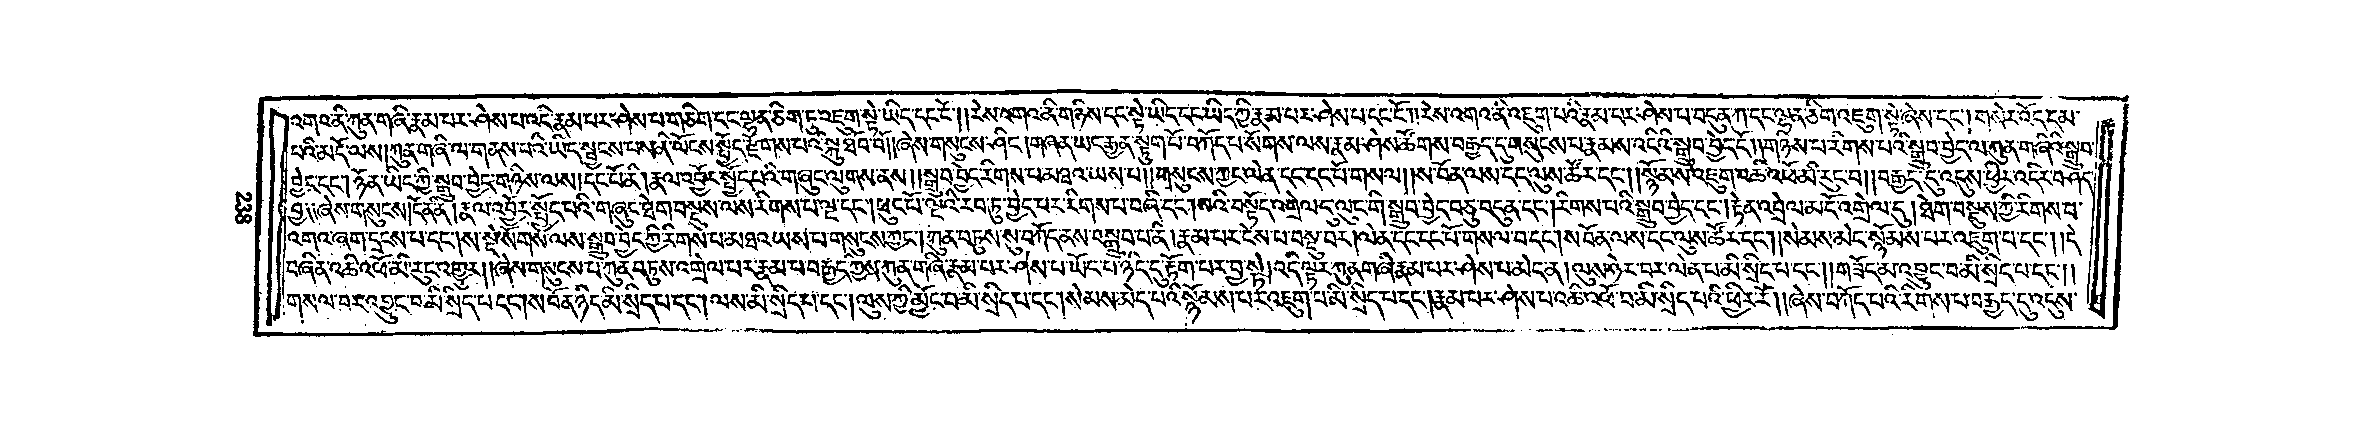འགའ་ནི་ཀུན་གཞི་རྣམ་པར་ཤེས་པ་འདི་རྣམ་པར་ཤེས་པ་གཅིག་དང་ལྷན་ཅིག་ཏུ་འཇུག་སྟེ་ཡིད་དང་ངོ། །རེས་འགའ་ནི་གཉིས་དང་སྟེ་ཡིད་དང་ཡིད་ཀྱི་རྣམ་པར་ཤེས་པ་དང་ངོ། །རེས་འགའ་ནི་འཇུག་པའི་རྣམ་པར་ཤེས་པ་བདུན་ཀ་དང་ལྷན་ཅིག་འཇུག་སྟེ་ཞེས་དང་། གསེར་འོད་དམ་
པའི་མདོ་ལས། ཀུན་གཞི་ལ་གནས་པའི་ཡིད་སྦྱངས་པས་ནི་ལོངས་སྤྱོད་རྫོགས་པའི་སྐུ་ཐོབ་བོ། །ཞེས་གསུངས་ཤིང་། གཞན་ཡང་རྒྱན་སྟུག་པོ་བཀོད་པ་སོགས་ལས་རྣམ་ཤེས་ཚོགས་བརྒྱད་དུ་གསུངས་པ་རྣམས་འདིའི་སྒྲུབ་བྱེད་དོ། །གཉིས་པ་རིགས་པའི་སྒྲུབ་བྱེད་ལ་ཀུན་གཞིའི་སྒྲུབ་
བྱེད་དང་། ཉོན་ཡིད་ཀྱི་སྒྲུབ་བྱེད་གཉིས་ལས། དང་པོ་ནི། རྣལ་འབྱོར་སྤྱོད་པའི་གཞུང་ལུགས་ནས། །སྒྲུབ་བྱེད་རིགས་པ་མཐའ་ཡས་པ། །གསུངས་ཀྱང་ལེན་དང་དང་པོ་གསལ། །ས་བོན་ལས་དད་ལུས་ཚོར་དང་། །སྙོམས་འཇུག་འཆི་འཕོ་མི་རུང་བ། །བརྒྱད་དུ་འདུས་ཕྱིར་འདིར་བཤད་
བྱ། །ཞེས་གསུངས། དོན་ནི། རྣལ་འབྱོར་སྤྱོད་པའི་གཞུང་ཐེག་བསྡུས་ལས་རིགས་པ་ལྔ་དང་། ཕུང་པོ་ལྔའི་རབ་ཏུ་བྱེད་པར་རིགས་པ་བཞི་དང་། སའི་བསྟོད་འགྲེལ་དུ་ལུང་གི་སྒྲུབ་བྱེད་བཅུ་ང་དང་རེག་བྱ་གང་འཕྲོད་པའ་
ང་། རྟེན་འབྲེལ་མདོ་འགྲེལ་དུ། ཐེག་བསྡུས་ཀྱི་རིགས་པ་འགའ་ཞག་དྲངས་པ་དང་། ས་སྡེ་སོགས་ལས་སྒྲུབ་བྱེད་ཀྱི་རིགས་པ་མཐའ་ཡས་པ་གསུངས་ཀྱང་། ཀུན་བཏུས་སུ་བཀོད་ནས་བསྒྲུབ་པ་ནི། རྣམ་པར་ངེས་པ་བསྡུ་བར། ལེན་དང་དང་པོ་གསལ་བ་དང་། ས་བོན་ལས་དང་ལུས་ཚོར་དང་། །སེམས་མེད་སྙོམས་པར་འཇུག་པ་དང་། །དེ་
བཞིན་འཆི་འཕོ་མི་རུང་འགྱུར། །ཞེས་གསུངས་པ་ཀུན་བཏུས་འགྲེལ་པར་རྣམ་པ་བརྒྱད་ཀྱིས་ཀུན་གཞི་རྣམ་པར་ཤེས་པ་ཡོད་པ་ཉིད་དུ་རྟོག་པར་བྱ་སྟེ། འདི་ལྟར་ཀུན་གཞི་རྣམ་པར་ཤེས་པ་མེད་ན། ལུས་ཉེར་བར་ལེན་པ་མི་སྲིད་པ་དང་། །གཟོད་མ་འབྱུང་བ་མི་སྲིད་པ་དང་། །
གསལ་བར་འབྱུང་བ་མི་སྲིད་པ་དང་། ས་བོན་ཉིད་མི་སྲིད་པ་དང་། ལས་མི་སྲིད་པ་དང་། ལུས་ཀྱི་མྱོང་བ་མི་སྲིད་པ་དང་། སེམས་མེད་པའི་སྙོམས་པར་འཇུག་པ་མི་སྲིད་པ་དང་། རྣམ་པར་ཤེས་པ་འཆི་འཕོ་བ་མི་སྲིད་པའི་ཕྱིར་རོ། །ཞེས་བཀོད་པའི་རིགས་པ་བརྒྱད་དུ་འདུས་